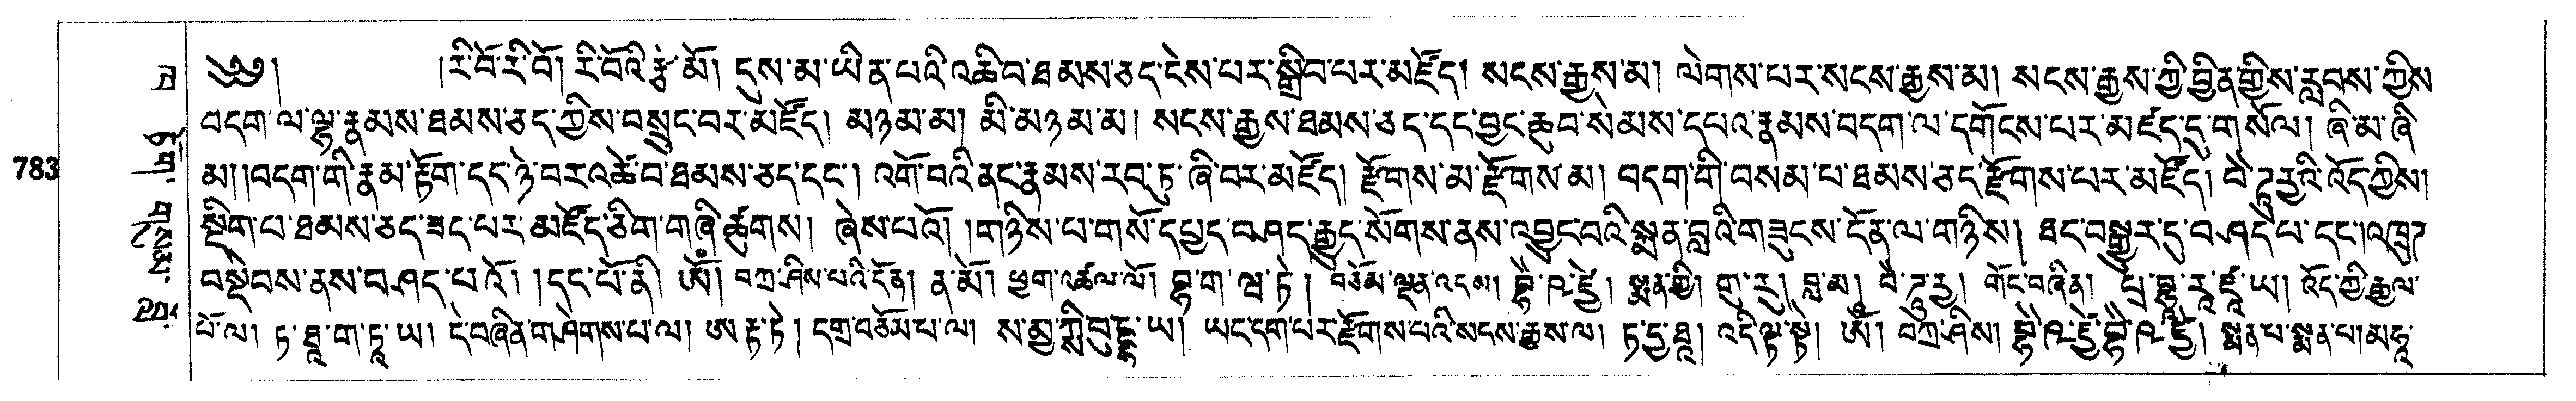༄༅། །རི་བོ་རི་བོ། རི་བོའི་རྩེ་མོ། དུས་མ་ཡིན་པའི་འཆི་བ་ཐམས་ཅད་ངེས་པར་སྒྲིབ་པར་མཛོད། སངས་རྒྱས་མ། ལེགས་པར་སངས་རྒྱས་མ། སངས་རྒྱས་ཀྱི་བྱིན་གྱིས་རླབས་ཀྱིས་
བདག་ལ་ལྷ་རྣམས་ཐམས་ཅད་ཀྱིས་བསྲུང་བར་མཛོད། མཉམ་མ། མི་མཉམ་མ། སངས་རྒྱས་ཐམས་ཅད་དང་བྱང་ཆུབ་སེམས་དཔའ་རྣམས་བདག་ལ་དགོངས་པར་མཛད་དུ་གསོལ། ཞི་མ་ཞི་
མ། །བདག་གི་རྣམ་རྟོག་དང་ཉེ་བར་འཚེ་བ་ཐམས་ཅད་དང་། འགྲོ་བའི་ནང་རྣམས་རབ་ཏུ་ཞི་བར་མཛོད། རྫོགས་མ་རྫོགས་མ། བདག་གི་བསམ་པ་ཐམས་ཅད་རྫོགས་པར་མཛོད། བཻ་ཌཱུརྱའི་འོད་ཀྱིས།
སྡིག་པ་ཐམས་ཅད་ཟད་པར་མཛོད་ཅིག་གཞི་ཚུགས། ཞེས་པའོ། །གཉིས་པ་གསོ་དཔྱད་བཤད་རྒྱུད་སོགས་ནས་འབྱུང་བའི་སྨན་བླའི་གཟུངས་དོན་ལ་གཉིས། ཐད་བསྒྱུར་དུ་བཤད་པ་དང་། འཁྲུགས་
བསྡེབས་ནས་བཤད་པའོ། །དང་པོ་ནི། ཨོཾ། བཀྲ་ཤིས་པའི་དོན། ན་མོ། ཕྱག་འཚལ་ལོ། བྷ་ག་ཝ་ཏེ། བཅོམ་ལྡན་འདས། བྷཻ་ཥ་ཛྱེ། སྨན་གྱི། གུ་རུ། བླ་མ། བཻ་ཌཱུ་རྱ། གོང་བཞིན། པྲ་བྷཱ་རཱ་ཛཱ་ཡ། འོད་ཀྱི་རྒྱལ་
པོ་ལ། ཏ་ཐཱ་ག་ཏཱ་ཡ། དེ་བཞིན་གཤེགས་པ་ལ། ཨརྟ་ཏེ། དགྲ་བཅོམ་པ་ལ། ས་མྱ་ཀྶི་བུདྡྷ་ཡ། ཡང་དག་པར་རྫོགས་པའི་སངས་རྒྱས་ལ། ཏ་དྱ་ཐཱ། འདི་ལྟ་སྟེ། ཨོཾ། བཀྲ་ཤིས། བྷཻ་ཥ་ཛྱེ་བྷཻ་ཥ་ཛྱེ། སྨན་པ་སྨན་པ། མཧཱ་